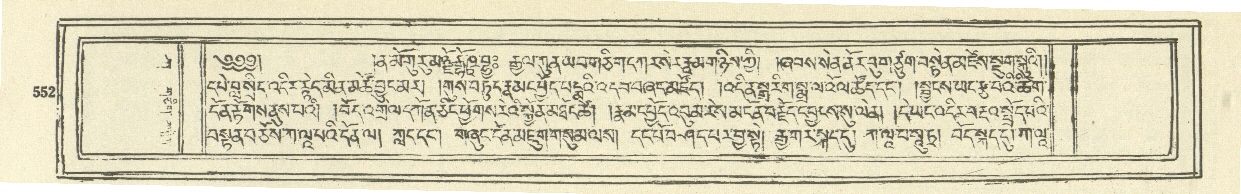༄༅༅། །ན་མོ་གུ་རུ་མཉྫོ་རྒྷོ་ཥཱ་བྷྱཿ རྒྱལ་ཀུན་ཡབ་གཅིག་དཀར་སེར་རྣམ་གཉིས་ཀྱི། །ཞབས་སེར་ནོར་བུ་གཙུག་བསྟེན་མཛེས་སྡུག་སྐུའི། །
དཔེ་ཟླ་སྲིད་འདིར་རྙེད་མིན་མཚོ་བྱུང་མར། །གུས་བཏུད་རྣམ་དཔྱོད་པདམའི་འདབ་བཞད་མཛོད། །འདི་ན་སྒྲ་རིག་སྨྲ་ལ་འོལ་ཚོན་དང་། །སྦྱངས་ཡང་རྩ་བའི་ཚིག་
དོན་རྟོགས་ནུས་པའི། །བོད་འགྲེལ་དཀོན་ཅིང་ཕྱོགས་རེའི་སྐྱོན་མཐོང་ཚེ། །རྣམ་དཔྱོད་འབུམ་རེས་མངོན་བརྗོད་དབྱངས་སུ་ལེན། །དེ་ཡང་འདིར་བརྡའ་སྤྲོད་པའི་
བསྟན་བཅོས་ཀ་ལཱ་བའི་དོན་ལ། ཀླད་དང་། གཞུང་དོན་མཇུག་གསུམ་ལས། དང་པོ་བཤད་པར་བྱ་སྟེ། རྒྱ་གར་སྐད་དུ། ཀ་ཝཱ་པ་སཱུཏྲ། བོད་སྐད་དུ། ཀ་ཝཱ་